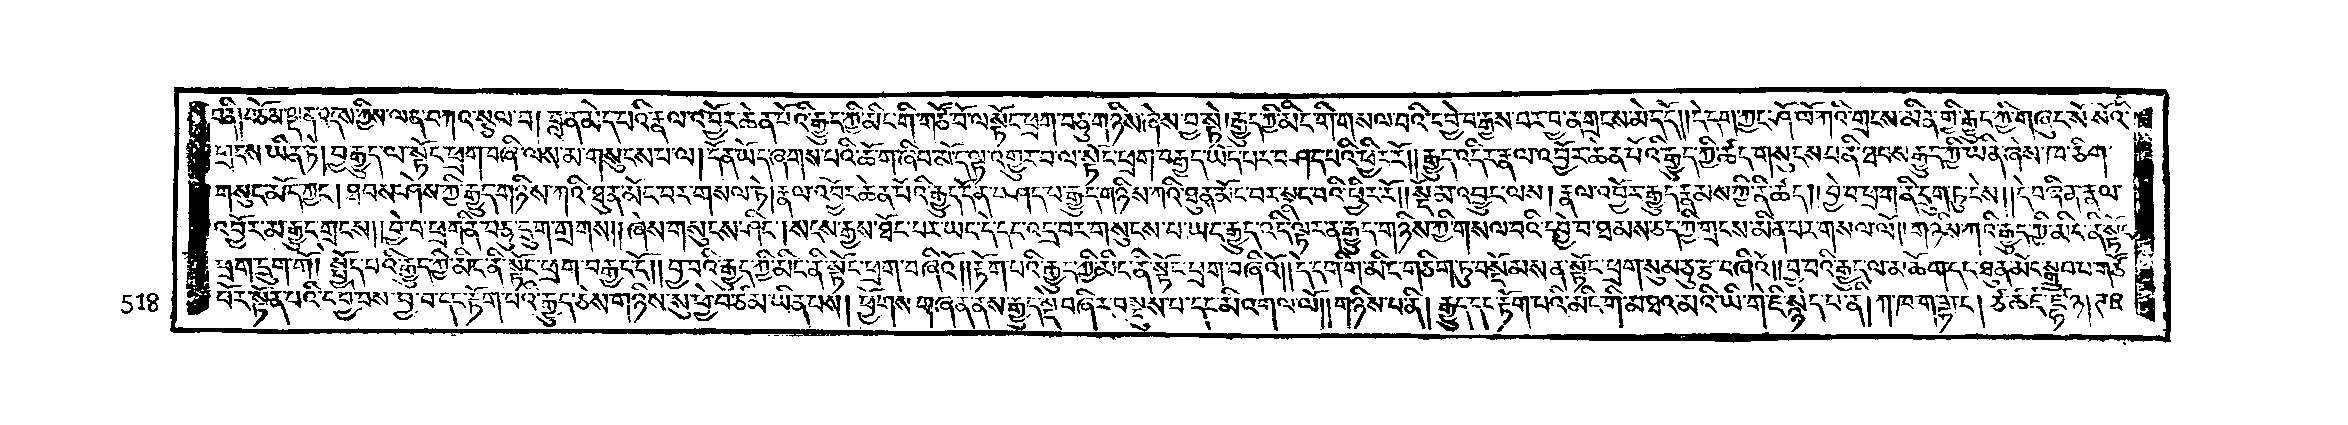པ་ནི། བཅོམ་ལྡན་འདས་ཀྱིས་ལན་བཀའ་སྩལ་པ། བླ་ན་མེད་པའི་རྣལ་འབྱོར་ཆེན་པོའི་རྒྱུད་ཀྱི་མིང་གི་གཙོ་བོ་ལ་སྟོང་ཕྲག་བཅུ་གཉིས་ཞེས་བྱ་སྟེ། རྒྱུད་ཀྱི་མིང་གི་གསལ་བའི་དབྱེ་བ་རྒྱས་པར་བྱ་ན་གྲངས་མེད་དོ། །དེ་དག་ཀྱང་ཤོ་ལོ་ཀའི་གྲངས་མིན་གྱི་རྒྱུད་ཀྱི་གཞུང་སོ་སོའི་
གྲངས་ཡིན་ཏེ། བྱ་རྒྱུད་ལ་སྟོང་ཕྲག་བཞི་ལས་མ་གསུངས་པ་ལ། དོན་ཡོད་ཞགས་པའི་ཆོ་ག་ཞིབ་མོ་ད་ལྟ་འགྱུར་བ་ལ་སྟོང་ཕྲག་བརྒྱད་ཡོད་པར་བཤད་པའི་ཕྱིར་རོ། །རྒྱུད་འདིར་རྣལ་འབྱོར་ཆེན་པོའི་རྒྱུད་ཀྱི་ཚད་གསུངས་པ་ནི་ཐབས་རྒྱུད་ཀྱི་ཡིན་ཞེས་ཁ་ཅིག་
གསུང་མོད་ཀྱང་། ཐབས་ཤེས་ཀྱི་རྒྱུད་གཉིས་ཀའི་ཐུན་མོང་བར་གསལ་ཏེ། རྣལ་འབྱོར་ཆེན་པོའི་རྒྱུད་དོན་བཤད་པ་རྒྱུད་གཉིས་ཀའི་ཐུན་མོང་བར་སྣང་བའི་ཕྱིར་རོ། །སྡོམ་འབྱུང་ལས། རྣལ་འབྱོར་རྒྱུད་རྣམས་ཀྱི་ནི་ཚད། །བྱེ་བ་ཕྲག་ནི་དྲུག་ཏུ་ངེས། །དེ་བཞིན་རྣལ་
འབྱོར་མ་རྒྱུད་གྲངས། །བྱེ་བ་ཕྲག་ནི་བཅུ་དྲུག་གྲགས། །ཞེས་གསུངས་ཤིང་། སངས་རྒྱས་ཐོང་པར་ཡང་དེ་དང་འདྲ་བར་གསུངས་པ་ཡང་རྒྱུད་འདི་ལྟར་ན་རྒྱུད་གཉིས་ཀྱི་གསལ་བའི་དབྱེ་བ་ཐམས་ཅད་ཀྱི་གྲངས་མིན་པར་གསལ་ལོ། །གཉིས་ཀའི་རྒྱུད་ཀྱི་མིང་ནི་སྟོང་
ཕྲག་དྲུག་གོ །སྤྱོད་པའི་རྒྱུད་ཀྱི་མིང་ནི་སྟོང་ཕྲག་བརྒྱད་དོ། །བྱ་བའི་རྒྱུད་ཀྱི་མིང་ནི་སྟོང་ཕྲག་བཞིའོ། །རྟོག་པའི་རྒྱུད་ཀྱི་མིང་ནི་སྟོང་ཕྲག་བཞིའོ། །དེ་དག་གི་མིང་གཅིག་ཏུ་བསྡོམས་ན་སྟོང་ཕྲག་སུམ་ཅུ་རྩ་བཞིའོ། །བྱ་བའི་རྒྱུད་ལ་མཆོག་དང་ཐུན་མོང་སྒྲུབ་པ་གཙོ་
བོར་སྟོན་པའི་དབྱེ་བས་བྱ་བ་དང་རྟོག་པའི་རྒྱུད་ཅེས་གཉིས་སུ་ཕྱེ་བ་ཙམ་ཡིན་པས། ཕྱོགས་གཞན་ནས་རྒྱུད་སྡེ་བཞིར་བསྡུས་པ་དང་མི་འགལ་ལོ། །གཉིས་པ་ནི། རྒྱུད་དང་རྟོག་པའི་མིང་གི་མཐའ་མའི་ཡི་གེ་ཇི་སྙེད་པ་ནི། ཀ་ཁ་ག་གྷ་ང་། ཙ་ཚ་ཛ་ཛྷ་ཉ། ཊ་ཊཿཨ་